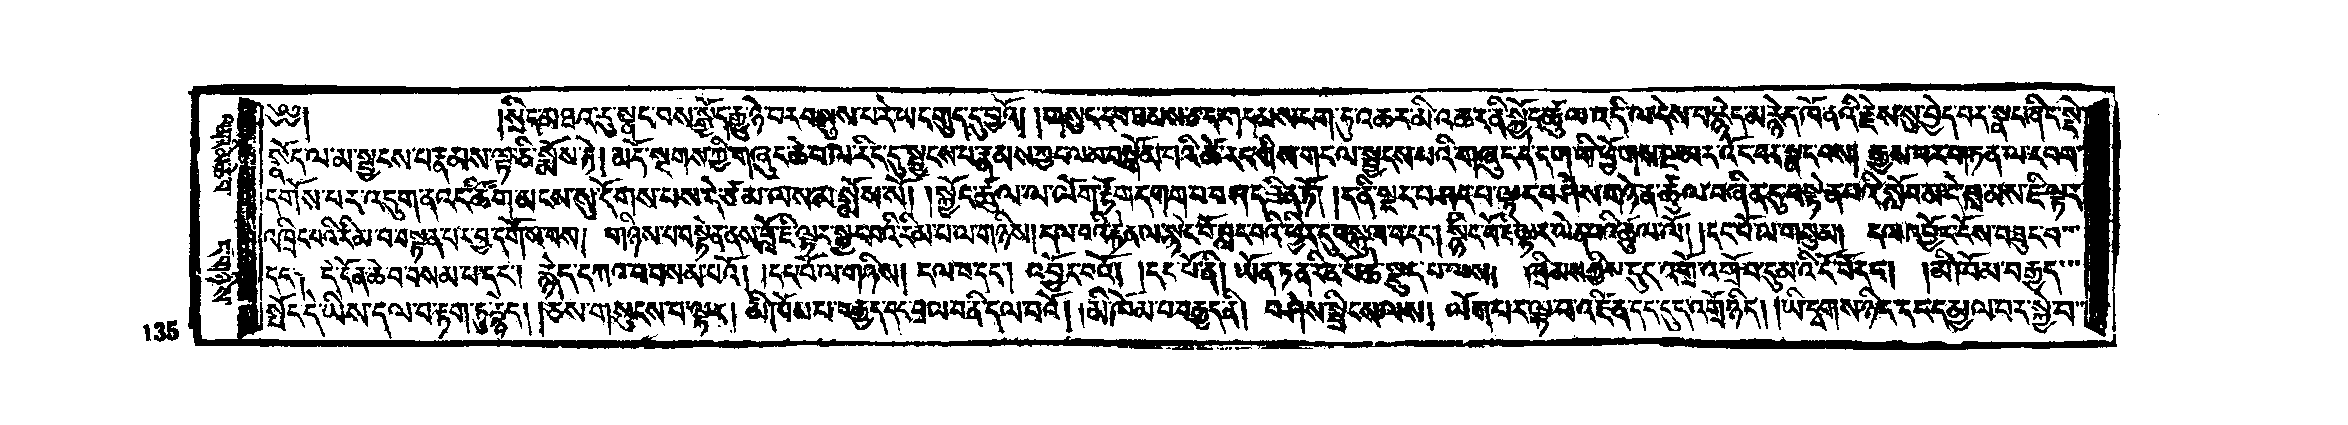༄༅། །སྲིད་མཐའ་རུ་སྣང་བས་སྐྱོད་རྒྱུ་ཉེ་བར་བསྡུས་པ་རེ་ཡར་གུད་དུ་བྱའོ། །གསུང་རབ་ཐམས་ཅད་གདམས་ངག་ཏུ་འཆར་མི་འཆར་ནི་སྐྱོད་ཚུལ་འདི་ལ་ངེས་པ་རྙེད་མ་རྙེད་ཁོ་ནའི་རྗེས་སུ་བྱེད་པར་སྣང་ཞིང་སྡེ་
སྣོད་ལ་མ་སྦྱངས་པ་རྣམས་ལྟ་ཅི་སྨོས་ཏེ། མདོ་སྔགས་ཀྱི་གཞུང་ཆེ་བ་ལ་རིང་དུ་སྦྱངས་པ་རྣམས་ཀྱང་ལམ་བསྒོམ་པའི་ཚེ་རང་གིས་གང་ལ་སྦྱངས་པའི་གཞུང་དེ་དག་གི་ཕྱོགས་སྔ་མར་འོང་བར་སྣང་བས། རྒྱས་པར་གཏན་ལ་དབབ་
དགོས་པར་འདུག་ནའང་ཚིག་མངས་སུ་དོགས་པས་དེ་ཙམ་ལས་མ་སྨོས་སོ། །སྐྱོད་ཚུལ་ལ་ལོག་རྟོག་དགག་པ་བཤད་ཟིན་ཏོ། །ད་ནི་སྔར་བཤད་པ་ལྟར་བཤེས་གཉེན་ཚུལ་བཞིན་དུ་བསྟེན་པའི་སློབ་མ་དེ་བླ་མས་ཇི་ལྟར་
འཁྲིད་པའི་རིམ་པ་བསྟན་པར་བྱ་དགོས་པས། གཉིས་པ་བསྟེན་ནས་བློ་ཇི་ལྟར་སྦྱང་བའི་རིམ་པ་ལ་གཉིས། དལ་བའི་རྟེན་ལ་སྙིང་བོ་བླང་བའི་ཕྱིར་དུ་བསྐུལ་བ་དང་། སྙིང་པོ་ཇི་ལྟར་ལེན་པའི་ཚུལ་ལོ། །དང་པོ་ལ་གསུམ། དལ་འབྱོར་ངོས་བཟུང་བ་
དང༑ དེ་དོན་ཆེ་བ་བསམ་པ་དང་། རྙེད་དཀའ་བ་བསམ་པའོ། །དང་པོ་ལ་གཉིས། དལ་བ་དང་། འབྱོར་པའོ། །དང་པོ་ནི། ཡོན་ཏན་རིན་པོ་ཆེ་སྡུད་པ་ལས། ཁྲིམས་ཀྱིས་དུད་འགྲོ་འགྲོ་བ་དུ་མའི་ངོ་བོ་དང་། །མི་ཁོམ་བརྒྱད་
སྤོང་དེ་ཡིས་དལ་བ་རྟག་ཏུ་རྙེད། །ཅེས་གསུངས་པ་ལྟར། མི་ཁོམ་པ་བརྒྱད་དང་བྲལ་བ་ནི་དལ་བའོ། །མི་ཁོམ་པ་བརྒྱད་ནི། བཤེས་སྤྲིངས་ལས། ལོག་པར་ལྟ་བ་འཛིན་དང་དུད་འགྲོ་ཉིད། །ཡི་དྭགས་ཉིད་དང་དམྱལ་བར་སྐྱེ་བ་